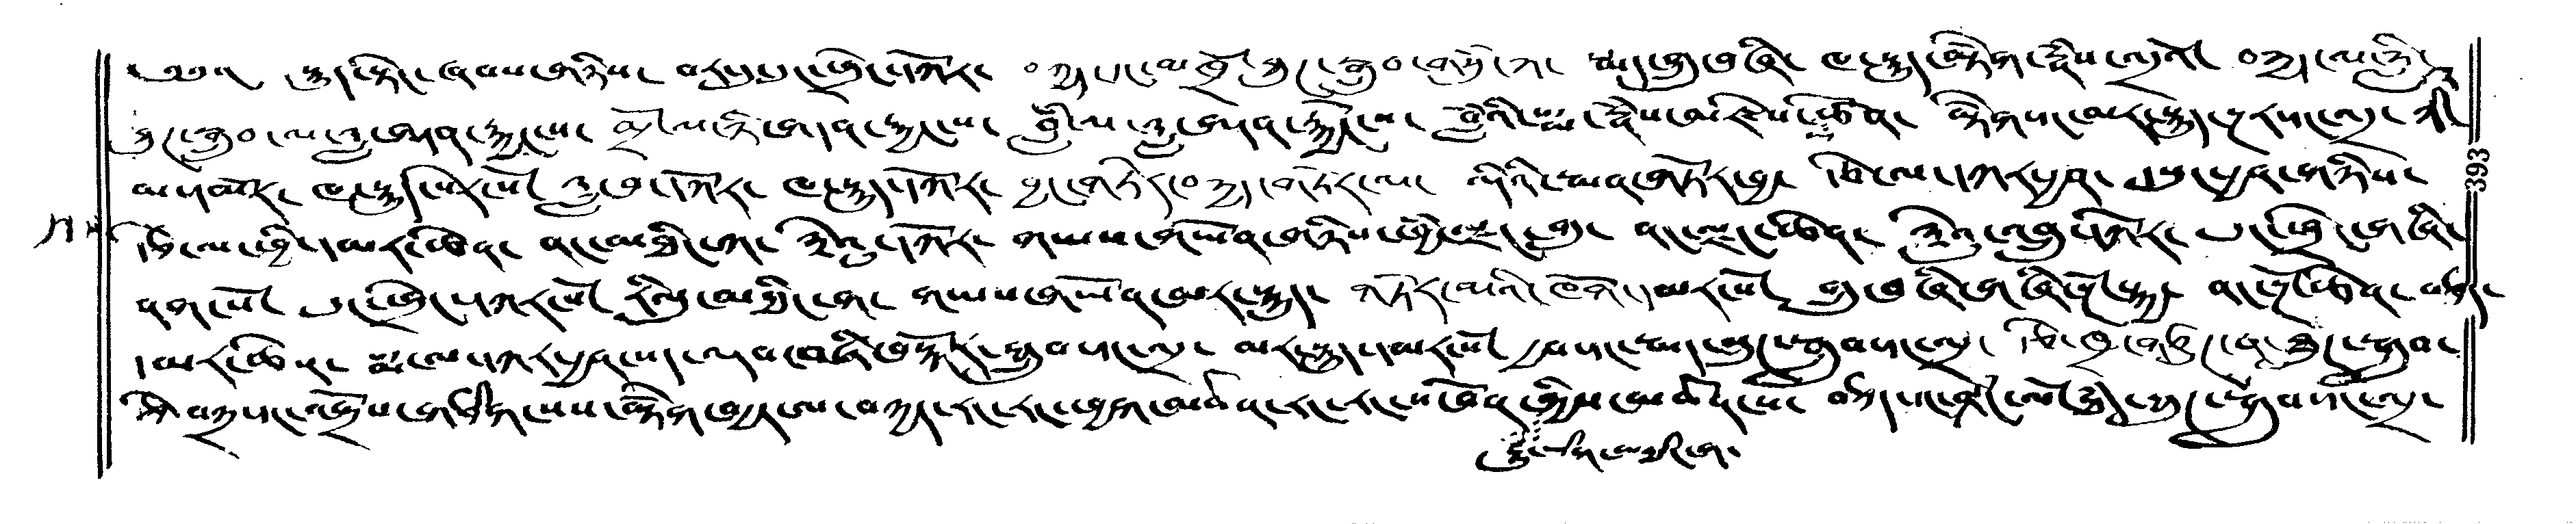སྐུད་སྟེང་ཞབས་གཉིས་བར་དུ་དུང་ཕྲེང་དཀར་པོ། བཀའ་བརྒྱད་དང་མཁའ་འགྲོ་ཐུགས་སྒྲུབ་གསུམ་ཀ། སྨད་གྲུ་བཞི། ཁ་སྐུད་མེ་ཏོག་རྣམས་འདྲའོ། བཀའ་བརྒྱད་ལ་ཉི་ཟླ། 
ཐུགས་སྒྲུབ་ལ་ཟླ་གདན་རྐྱང་པ། མཁའ་འགྲོ་ལ་ཉི་གདན་རྐྱང་པ།བླ་མ་ལ་ཟླ་གདན་རྐྱང་པ། བླ་མའི་པདྨ་རྣམས་མཛེས་མཚོན། མེ་ཏོག་དང་མར་སྐུད་སྔར་དང་འདྲ། ཉི་
མ་དམར་པོ། ཁ་སྐུད་སེར་པོ། ཟླ་བ་དཀར་པོ། ཁ་སྐུད་དཀར་པོ། བྱང་གཏེར་བཀའ་བརྒྱད་གཏེར་མ། འདིའི་སྨན་གཏོར་བྱ། རྩེ་ལ་དཀར་རྒྱན། དཔུང་རྒྱན་གཉིས། 
རྩེ་ལ་ཕྱི་དམར་ཆེན། ནང་མཐིང་ཀ ཟེའུ་འབྲུ་དཀར་པོ། གཡས་གཡོན་གཉིས་ཕྱི་ལྗང་གུ། ནང་ལྗང་ཆེན། ཟེའུ་འབྲུ་དཀར་པོ། དུང་ཕྲེང་གཞི་
ནག་པོ། དུང་ཕྲེང་དཀར་པོ། རིལ་བུ་མཐིང་ག གཡས་གཡོན་མར་སྐུད། གཏོར་མའི་ཁོག་དམར་པོ། གྲུ་བཞི་གཞི་སྔོ་སྐྱ། ནང་སྔོ་ཆེན། བཅད་
དམར་ཆེན། པདྨ་ལ་དཀར་རྒྱན་པད་འདབ་བཞི་བསྐོར་ཐུགས་སྒྲུབ་དང་འདྲ། མར་སྐུད་དམར་པོ། རྒྱབ་དང་སྨད་ཐུགས་སྒྲུབ་དང་འདྲ། རྩེ་ཁྲ་བཙུགས་ན་ཐུགས་སྒྲུབ་
རྩེ་བཀྲ་དང་འགྲོས་གཅིག་པས་མེ་ཏོག་བརྒྱད་ལ་བཀའ་བརྒྱད་རང་རང་ཕྱག་མཚན་རང་རང་ས་བོན་ཧཱུྃ་ཡིག་མཐིང་གས་མཚན་པ། བཅད་དང་ཤིང་ལོ་ཐམས་ཅད་ཐུགས་སྒྲུབ་དང་འདྲ།